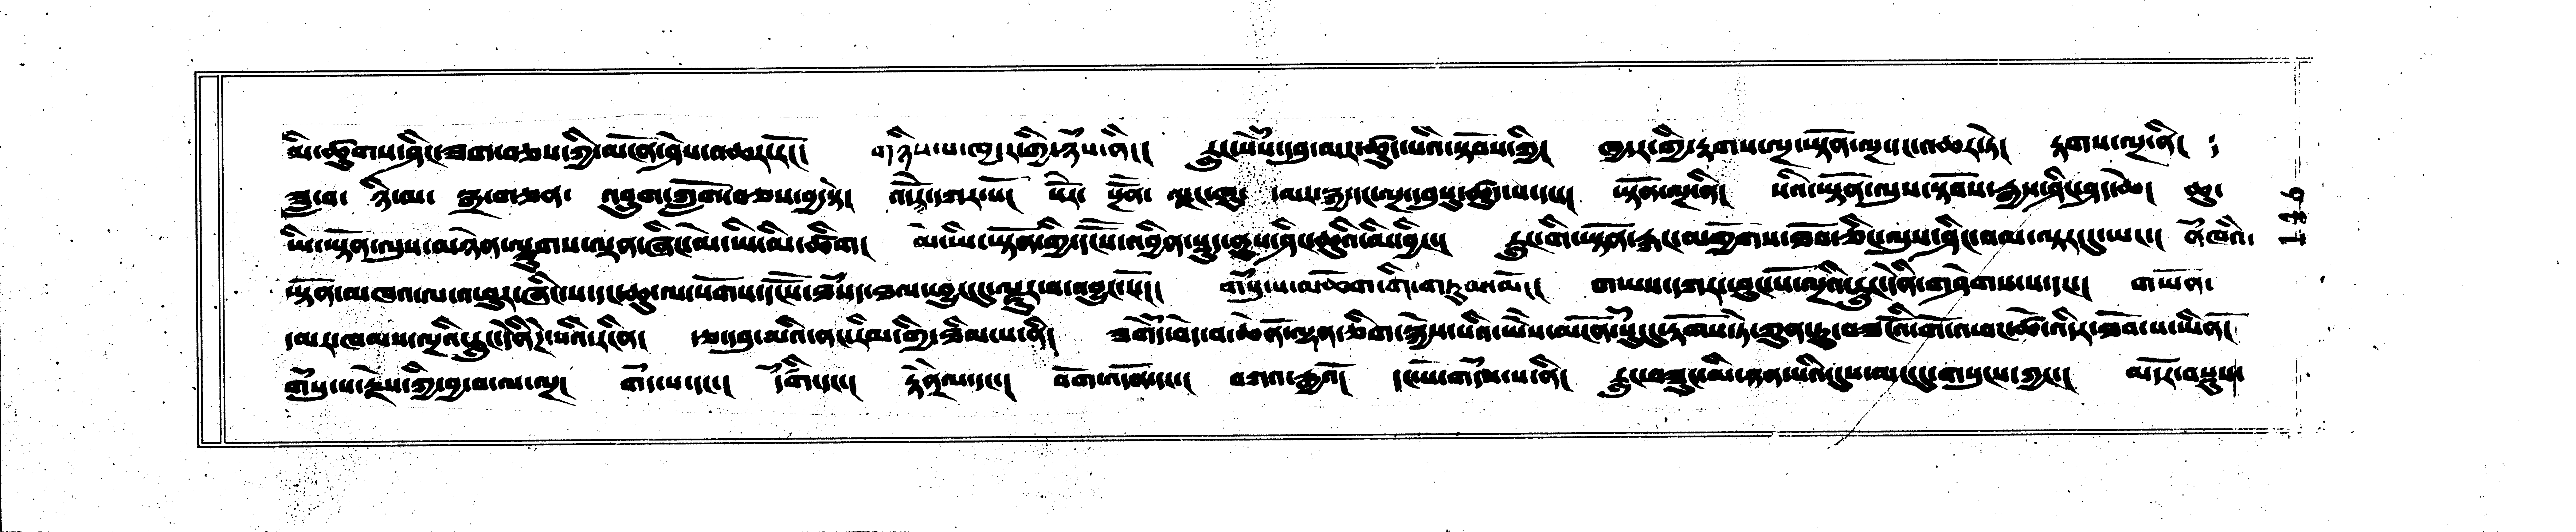མི་ཚུགས་ཤིང་།ཟག་བཅས་ཀྱི་མངོན་ཤེས་འཆར་རོ། །གཉིས་པ་ཁྱད་པར་གྱི་ཉམས་ནི། རླུང་སེམས་དབུ་མར་ཚུད་པའི་སྟོབས་ཀྱི་ ཁྱད་པར་གྱི་རྟགས་ལྔ་འཆར་ཏེ། རྟགས་ལྔ་ནི། 
ཟླ་བ་ཉི་མ་སྒྲ་གཅན།འབྲུག་གློག་བཅས་བྱ་སྟེ།འོད་ཟེར་དཀར་པོ་སྔོན་ལྗང་ཀུ་ དམར་སྐྱ་དང་ལྔ་དབུས་སུ་བྱ་ཚུད་པ་དང་། ཡོན་ཏན་ལྔ་ནི།སའི་ཡོིན་ཏན་ལུས་སྟོབས་རྒྱས་ཤིང་ཤེདཆེ 
ཆུ་
ཡི་ཡོན་ཏན་ལུས་མཉེན་ལྕུག་ལྡན་ཞིང་། མེ་ཡིས་མི་ཚིག མེ་ཡི་ཡོན་ཏན་གྱི་དངོས་པོ་འབྱིན་སྡུད་ནུས་ཤིང་ཆུ་ཡིས་མི་བྱིང་། རླུང་གི་ཡོིན་ཏན་རྐང་མགྱོགས་ཐོབ་ཅིང་ལུས་ཤིང་བལ་ལྟར་དུ་ཡང་། ནམ་མཁའི་
ཡོན་ཏན་མཁའ་ལ་འཕུར་ཞིང་ས་དང་ཆུ་ལ་སོགས་དངོས་པོ་ཐམས་ཅད་ཐལ་ཕྱུང་དུ་ལྗུར་བ་འབྱུང་ངོ་། །གསུམ་པ་མཆོག་གི་གཏུམ་མོ། གཡས་དཀར་ཕུང་པོ་ལྔའི་རླུང་དེ་བཞིན་གཤེགས་པ། གཡོན་
དམར་ཁམས་ལྔའི་རླུང་དེ་བཞིན་གཤེགས་པའི་རང་བཞིན། རྩ་དབུ་མའི་ནང་རིམ་གྱིས་ཐིམ་པ་ནི། ཟག་མེད་བདེ་བ་ཆེན་པོ་ལྷན་ཅིག་སྐྱེས་པའི་ཡེ་ཤེས་མངོན་སུམ་དུ་རྟོགས་ཏེ་ཀུན་ཏུ་བཟང་པོའི་གོ་འཕང་ཚེ་འདིར་ཐོབ་པ་ཡིན་ནོ།
 །གསུམ་པ་རྗེས་ཀྱི་བྱ་བ་ལ་ལྔ། གདམ་པ་དང་། དམ་ཚིག་དང་། རྟེན་འབྲེལ་དང་། བོགས་འདོན་དང་། བཀའ་རྒྱའོ། །དང་པོ་གདམས་པ་ནི། རླུང་བཟུང་མི་ཉན་པའི་དུས་མང་དུ་གསུངས་ཀྱང་། མདོར་བསྡུ་